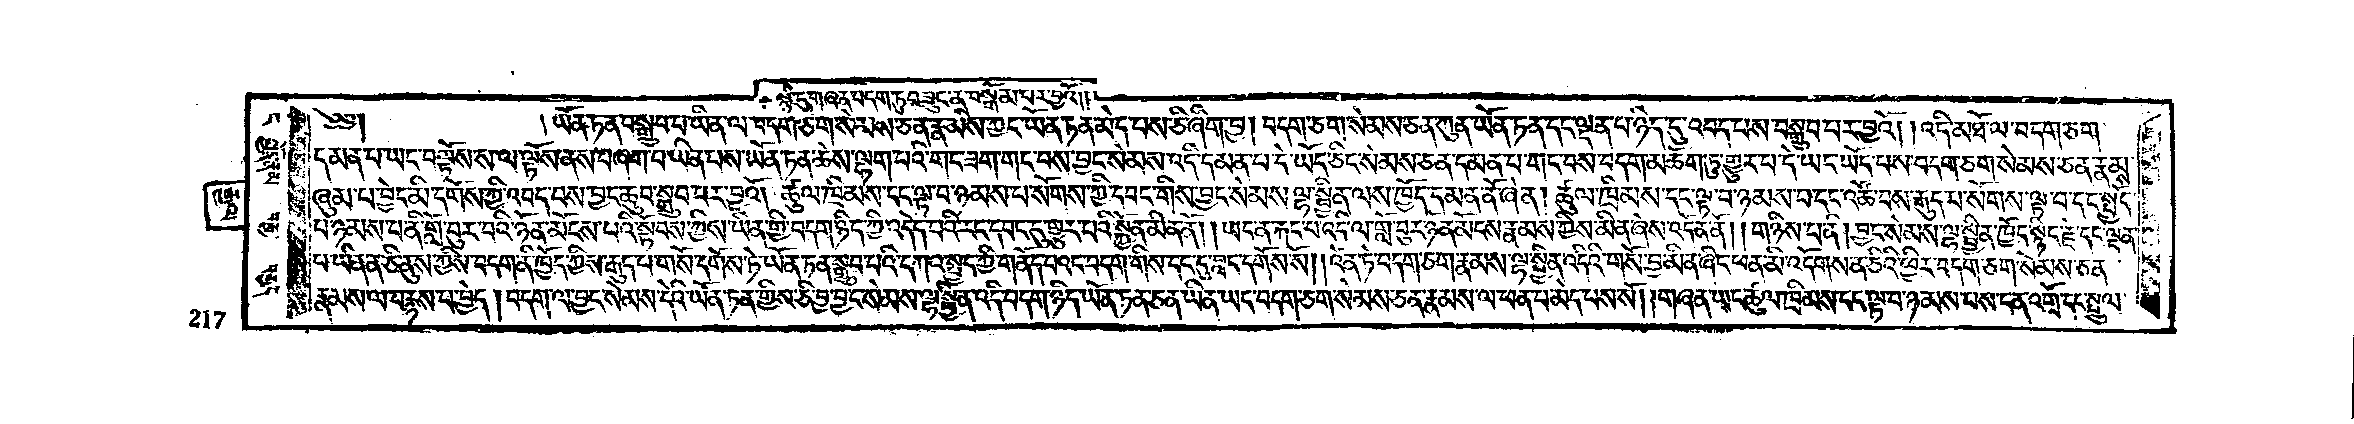༄༅། །{་སྙིང་དུ་གཞན་བདག་ཏུ་བཟུང་ན་བསྒོམ་པར་བྱའོ་}?། །ཡོན་ཏན་བསྒྲུབ་པ་ཡིན་ལ་བདག་ཅག་སེམས་ཅན་རྣམས་ཀྱང་ཡོན་ཏན་མེད་པས་ཅི་ཞིག་བྱ། བདག་ཅག་སེམས་ཅན་ཀུན་ཡོན་ཏན་དང་ལྡན་པ་ཉིད་དུ་འབད་པས་བསྒྲུབ་པར་བྱའོ། །འདི་མཐོ་ལ་བདག་ཅག་
དམན་པ་ཡང་བལྟོས་ས་ལ་ལྟོས་ནས་བཞག་པ་ཡིན་པས་ཡོན་ཏན་ཆོས་ལྷག་པའི་གང་ཟག་གང་བས་བྱང་སེམས་འདི་དམན་པ་དེ་ཡོད་ཅིང་སེམས་ཅན་དམན་པ་གང་བས་བདག་མཆོག་ཏུ་གྱུར་པ་དེ་ཡང་ཡོད་པས་བདག་ཅག་སེམས་ཅན་རྣམས་
ཞུམ་པ་བྱེད་མི་དགོས་ཀྱི་འབད་བས་བྱང་ཆུབ་སྒྲུབ་པར་བྱའོ། །ཚུལ་ཁྲིམས་དང་ལྟ་བ་ཉམས་པ་སོགས་ཀྱི་དབང་གིས་བྱང་སེམས་ལྷ་སྦྱིན་ལས་ཁྱོད་དམན་ནོ་ཞེ་ན། ཚུལ་ཁྲིམས་དང་ལྟ་བ་ཉམས་པ་དང་འཚོ་བས་རྒུད་པ་སོགས་ལྟ་བ་དང་སྤྱོད་
པ་ཉམས་པ་ནི་གློ་བུར་བའི་ཉོན་མོངས་པའི་སྟོབས་ཀྱིས་ཡིན་གྱི་བདག་ཉིད་ཀྱི་འདོད་པའི་རང་དབང་དུ་གྱུར་པའི་སྐྱོན་མིན་ནོ། །ཡང་ན་རྐང་པ་འདི་ལ་གློ་བུར་ཉོན་མོངས་རྣམས་ཀྱིས་མིན་ཞེས་འདོན་ནོ། །གཉིས་པ་ནི། བྱང་སེམས་ལྷ་སྦྱིན་ཁྱོད་སྙིང་རྗེ་དང་ལྡན་
པ་ཡིན་ན་ཅི་ནུས་ཀྱིས་བདག་ནི་ཁྱོད་ཀྱིས་རྒུད་པ་གསོ་དགོས་ཏེ་ཡོན་ཏན་སྒྲུབ་པའི་དཀའ་སྤྱད་ཀྱི་གནོད་པའང་བདག་གིས་དང་དུ་བླང་དགོས་སོ། །འོན་ཏེ་བདག་ཅག་རྣམས་ལྷ་སྦྱིན་འདིའི་གསོ་བྱ་མིན་ཞིང་ཕན་མི་འདོགས་ན་ཅིའི་ཕྱིར་བདག་ཅག་སེམས་ཅན་
རྣམས་ལ་བརྙས་པ་བྱེད། བདག་ལ་བྱང་སེམས་དེའི་ཡོན་ཏན་གྱིས་ཅི་བྱ་བྱང་སེམས་ལྷ་སྦྱིན་འདི་བདག་ཉིད་ཡོན་ཏན་ཅན་ཡིན་ཡང་བདག་ཅག་སེམས་ཅན་རྣམས་ལ་ཕན་པ་མེད་པས་སོ། །གཞན་ཡངས་ཚུལ་ཁྲིམས་དང་ལྟ་བ་ཉམས་པས་ངན་འགྲོ་དང་སྤྲུལ་